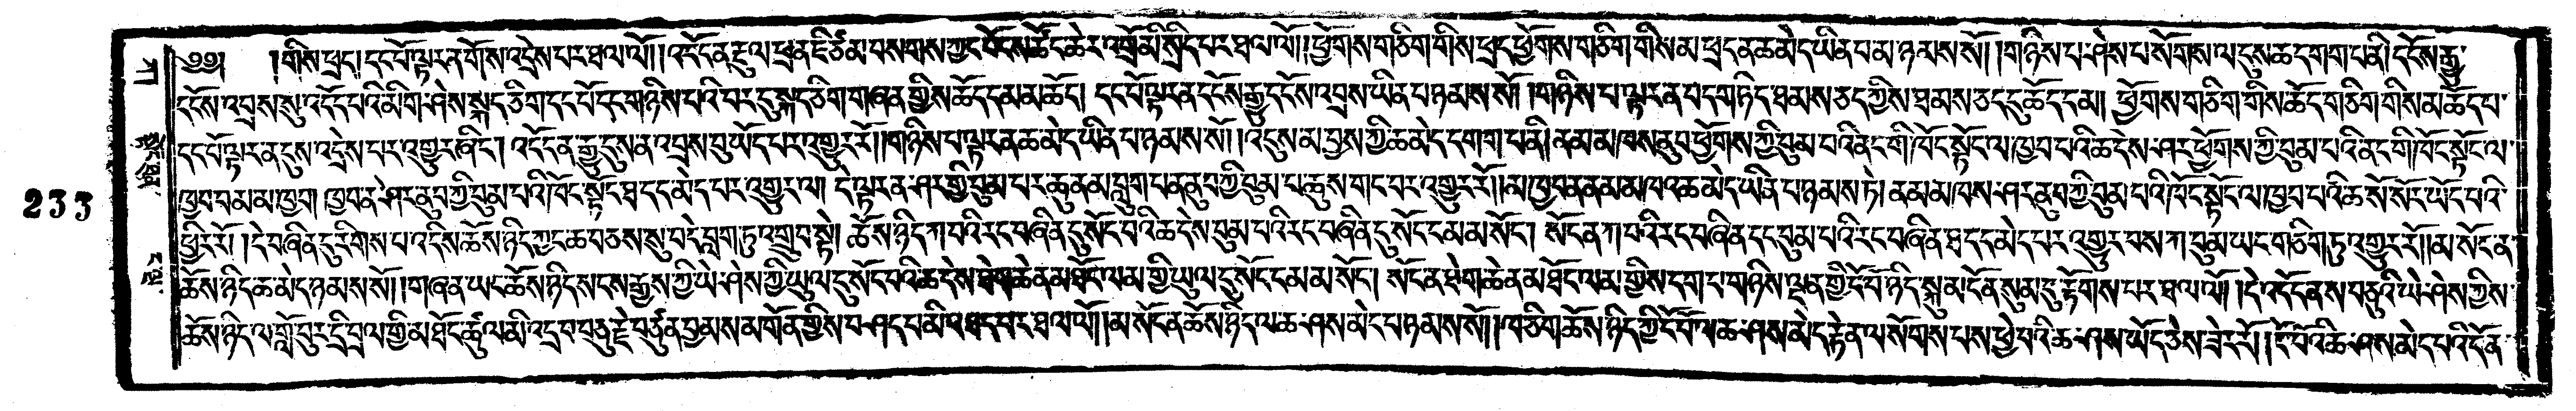༄༅། །གིས་ཕྲད། དང་པོ་ལྟར་ན་གོས་འདྲེས་པར་ཐལ་ལོ། །འདོད་ན་རྡུལ་ཕྲན་ཇི་ཙམ་བསགས་ཀྱང་བོངས་ཚོང་ཆེར་འགྲོ་མི་སྲིད་པར་ཐལ་ལོ། །ཕྱོགས་གཅིག་གིས་ཕྲད་ཕྱོགས་གཅིག་གིས་མ་ཕྲད་ན་ཆ་མེད་ཡིན་པ་མ་ཉམས་སོ། །གཉིས་པ་ཤེས་པ་སོགས་ལ་དུས་ཆ་དགག་པ་ནི། དངོས་རྒྱུ་
དངོས་འབྲས་སུ་འདོད་པའི་མིག་ཤེས་སྐད་ཅིག་དང་པོ་དང་གཉིས་པའི་བར་དུ་སྐད་ཅིག་གཞན་གྱིས་ཆོད་དམ་མཆོད། དང་པོ་ལྟར་ན་དངོས་རྒྱུ་དངོས་འབྲས་ཡིན་པ་ཉམས་སོ། །གཉིས་པ་ལྟར་ན་བདག་ཉིད་ཐམས་ཅད་ཀྱིས་ཐམས་ཅད་དུ་ཆོད་དམ། ཕྱོགས་གཅིག་གིས་ཆོད་གཅིག་གིས་མཆོད་པ་
དང་པོ་ལྟར་ན་དུས་འདྲེས་པར་འགྱུར་ཞིང་། འདོད་ན་རྒྱུ་དུས་ན་འབྲས་བུ་ཡོད་པར་འགྱུར་རོ། །གཉིས་པ་ལྟར་ན་ཆ་མེད་ཡིན་པ་ཉམས་སོ། །འདུས་མ་བྱས་ཀྱི་ཆ་མེད་དགག་པ་ནི། ནམ་མཁས་ནུབ་ཕྱོགས་ཀྱི་བུམ་པའི་ནང་གི་ཁོང་སྟོང་ལ་ཁྱབ་པའི་ཆ་དེས་ཤར་ཕྱོགས་ཀྱི་བུམ་པའི་ནང་གི་ཁོང་སྟོང་ལ་
ཁྱབ་བམ་མ་ཁྱབ། ཁྱབ་ན་ཤར་ནུབ་ཀྱི་བུམ་པའི་ཁོང་སྟོང་ཐ་དད་མེད་པར་འགྱུར་ལ། དེ་ལྟར་ན་ཤར་གྱི་བུམ་པར་ཆུ་ནམ་བླུག་པ་ན་ནུབ་ཀྱི་བུམ་པ་ཆུས་གང་བར་འགྱུར་རོ། །མ་ཁྱབ་ན་ནམ་མཁའ་ཆ་མེད་ཡིན་པ་ཉམས་ཏེ། ནམ་མཁས་ཤར་ནུབ་ཀྱི་བུམ་པའི་ཁོང་སྟོང་ལ་ཁྱབ་པའི་ཆ་སོ་སོར་ཡོད་པའི་
ཕྱིར་རོ། །དེ་བཞིན་དུ་རིགས་པ་འདིས་ཆོས་ཉིད་ཀྱང་ཆ་བཅས་སུ་བདེ་བླག་ཏུ་འགྲུབ་སྟེ། ཆོས་ཉིད་ཀ་བའི་རང་བཞིན་དུ་སོང་བའི་ཆ་དེས་བུམ་པའི་རང་བཞིན་དུ་སོང་དམ་མ་སོང་། སོང་ན་ཀ་བའི་རང་བཞིན་དང་བུམ་པའི་རང་བཞིན་ཐ་དད་མེད་པར་འགྱུར་པས་ཀ་བུམ་ཡང་གཅིག་ཏུ་འགྱུར་རོ། །མ་སོང་ན་
ཆོས་ཉིད་ཆ་མེད་ཉམས་སོ། །གཞན་ཡང་ཆོས་ཉིད་སངས་རྒྱས་ཀྱི་ཡེ་ཤེས་ཀྱི་ཡུལ་དུ་སོང་བའི་ཆ་དེས་ཐེག་ཆེན་མཐོང་ལམ་གྱི་ཡུལ་དུ་སོང་དམ་མ་སོང་། སོང་ན་ཐེག་ཆེན་མཐོང་ལམ་གྱིས་དག་པ་གཉིས་ལྡན་གྱི་ངོ་བོ་ཉིད་སྐུ་མངོན་སུམ་དུ་རྟོགས་པར་ཐལ་ལོ། །དེ་འདོད་ནས་བཅུའི་ཡེ་ཤེས་ཀྱིས་
ཆོས་ཉིད་ལ་གློ་བུར་དྲི་བྲལ་གྱི་མཐོང་ཚུལ་མི་འདྲ་བ་བཅུ་རྗེ་བཙུན་བྱམས་མགོན་གྱིས་བཤད་པ་མི་འཐད་པར་ཐལ་ལོ། །མ་སོང་ན་ཆོས་ཉིད་ལ་ཆ་ཤས་མེད་པ་ཉམས་སོ། །ཁ་ཅིག་ཆོས་ཉིད་ཀྱི་ངོ་བོ་ལ་ཆ་ཤས་མེད་རྟེན་ལ་སོགས་པས་ཕྱེ་བའི་ཆ་ཤས་ཡོད་ཅེས་ཟེར་རོ། །ངོ་བོའི་ཆ་ཤས་མེད་པའི་དོན་